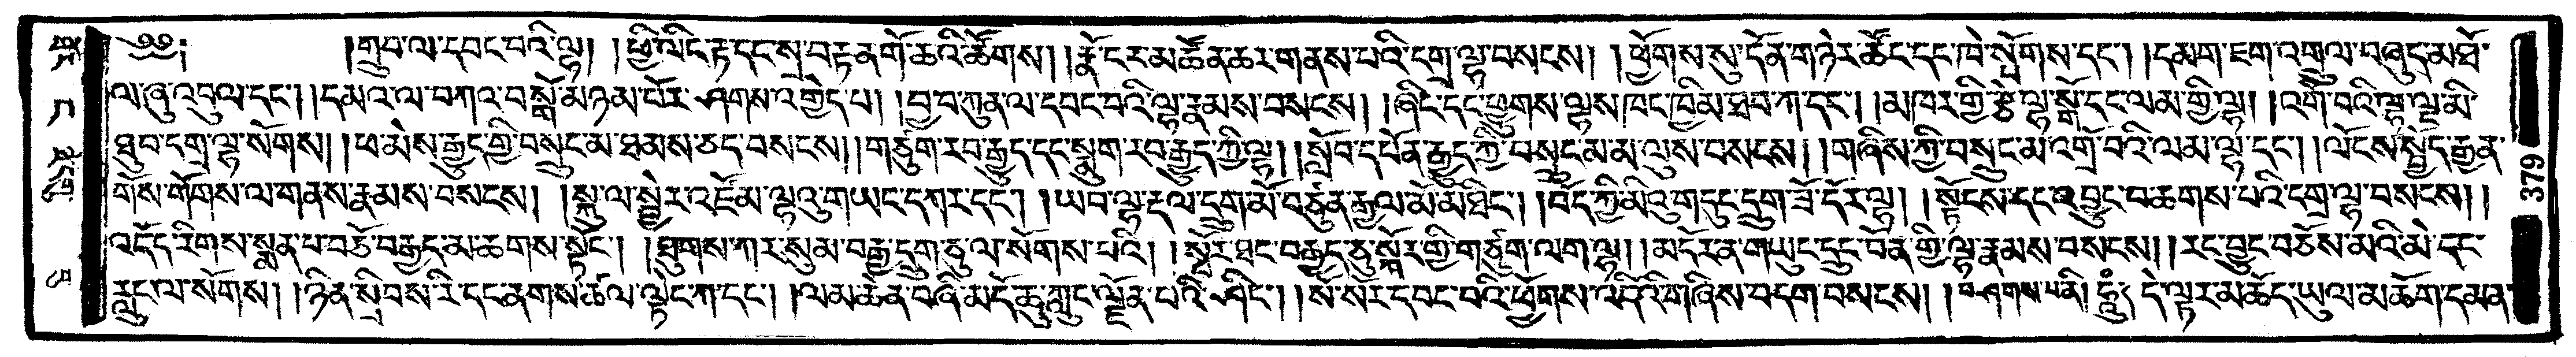༄༅། །གྲུབ་ལ་དབང་བའི་ལྷ། །ཕྱི་ལིང་རྟ་དང་སྲ་བརྟན་གོ་ཆའི་ཚོགས། །རྣོ་ངར་མཚོན་ཆར་གནས་པའི་དགྲ་ལྷ་བསངས། །ཕྱོགས་སུ་དོན་གཉེར་ཚོང་དང་ཁེ་སྤོགས་དང་། །དམག་ཇག་འགྲུལ་བཞུད་མཐོ་
ལ་ཞུ་འབུལ་དང་། །དམའ་ལ་བཀའ་བསྒོ་མཉམ་པོར་ཤགས་འགྱེད་པ། །བྱ་བ་ཀུན་ལ་དབང་བའི་ལྷ་རྣམས་བསངས། །ཞིང་དང་ཕྱུགས་ལྷས་ཁང་ཁྱིམ་ཐབ་ཀ་དང་། །མཁར་གྱི་རྩེ་ལྷ་སྒོ་དང་ལམ་གྱི་ལྷ། །འགོ་བའི་ལྷ་ལྔ་མི་
ཐུབ་དགྲ་ལྷ་སོགས། །ཕ་མེས་རྒྱུད་གྱི་བསྲུང་མ་ཐམས་ཅད་བསངས། །གཙུག་རབ་རྒྱུད་དང་སྨུག་རབ་རྒྱུད་ཀྱི་ལྷ། །སློབ་དཔོན་རྒྱུད་ཀྱི་བསྲུང་མ་མ་ལུས་བསངས། །གཞིས་ཀྱི་བསྲུང་མ་འགྲོ་བའི་ལམ་ལྷ་དང་། །ལོངས་སྤྱོད་རྒྱན་
གོས་གོགས་ལ་གནས་རྣམས་བསངས། །སྐུ་ལ་སྦྱེར་འཛོམ་ལྷའུ་གཡང་དཀར་དང་། །ཡབ་ལྷ་རྡལ་དྲུག་མོ་བཙུན་རྒྱལ་མོ་མཐིང་། །བོད་ཀྱི་མིའུ་གདུང་དྲུག་ཟོ་དོར་ལྷ། །སྟོངས་དང་འབྱུང་བ་ཆགས་པའི་དགྲ་ལྷ་བསངས། །
འདོད་རིགས་སྨན་པ་བཅོ་བརྒྱད་མ་ཆགས་སྟོང་། །ཐུགས་ཀར་སུམ་བརྒྱ་དྲུག་ཅུ་ལ་སོགས་པའི། །སྤོར་ཐང་བརྒྱད་ཅུ་སྐོར་གྱི་གཙུག་ལག་ལྷ། །མདོར་ན་གཡུང་དྲུང་བོན་གྱི་ལྷ་རྣམས་བསངས། །རང་བྱུང་བཅོས་མའི་མེ་དང་
རླུང་ལ་སོགས། །ཉིན་སྲིབས་རི་དང་ནགས་ཚལ་ལྟེང་ཀ་དང་། །ལམ་ཆེན་བཞི་མདོ་ཆུ་ཀླུང་ལྗོན་པའི་ཤིང་། །སོ་སོར་དབང་བའི་ཕྱོགས་འདིའི་གཞིས་བདག་བསངས། །བཤགས་པ་ནི། ཧཱུཾ། དེ་ལྟར་མཆོད་ཡུལ་མཆོག་དམན་